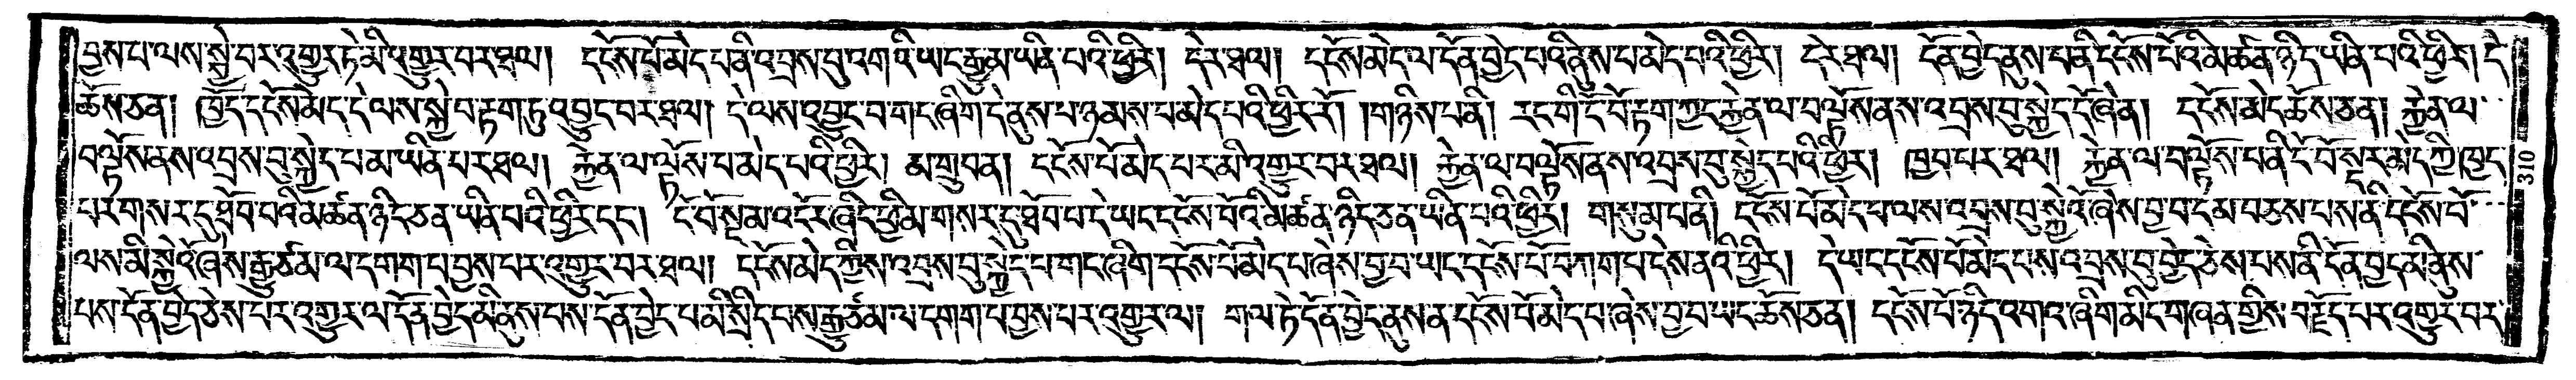བྱས་པ་ལས་སྐྱེ་བར་འགྱུར་ཏེ་མི་འགྱུར་བར་ཐལ། དངོས་པོ་མེད་པ་ནི་འབྲས་བུ་འགའི་ཡང་རྒྱུ་མ་ཡིན་པའི་ཕྱིར། དེར་ཐལ། དངོས་མེད་ལ་དོན་བྱེད་པའི་ནུས་པ་མེད་པའི་ཕྱིར། དེར་ཐལ། དོན་བྱེད་ནུས་པ་ནི་དངོས་པོའི་མཚན་ཉིད་ཡིན་པའི་ཕྱིར། དེ་
ཆོས་ཅན། ཁྱོད་དངོས་མེད་དེ་ལས་ཀྱེ་བ་རྟག་ཏུ་འབྱུང་བར་ཐལ། དེ་ལས་འབྱུང་བ་གང་ཞིག་དེ་ནུས་པ་ཉམས་པ་མེད་པའི་ཕྱིར་རོ། །གཉིས་པ་ནི། རང་གི་ངོ་བོ་རྟག་ཀྱང་རྐྱེན་ལ་བལྟོས་ནས་འབྲས་བུ་སྐྱེད་དོ་ཞེ་ན། དངོས་མེད་ཆོས་ཅན། རྐྱེན་ལ་
བལྟོས་ནས་འབྲས་བུ་སྐྱེད་པ་མ་ཡིན་པར་ཐལ། རྐྱེན་ལ་ལྟོས་པ་མེད་པའི་ཕྱིར། མ་གྲུབ་ན། དངོས་པོ་མེད་པར་མི་འགྱུར་བར་ཐལ། རྐྱེན་ལ་བལྟོས་ནས་འབྲས་བུ་སྐྱེད་པའི་ཕྱིར། ཁྱབ་པར་ཐལ། རྐྱེན་ལ་བལྟོས་པ་ནི་ངོ་བོ་སྔར་མེད་ཀྱི་ཁྱད་
པར་གསར་དུ་ཐོབ་པའི་མཚན་ཉིད་ཅད་ཡིན་པའི་ཕྱིར་དང་། ངོ་བོ་སྔ་མ་འདོར་ཞིང་ཕྱི་མ་གསར་དུ་ཐོབ་པ་དེ་ཡང་དངོས་པོ་མཚན་ཉིད་ཅན་ཡིན་པའི་ཕྱིར། གསུམ་པ་ནི། དངོས་པོ་མེད་པ་ལ་འབྲས་བུ་སྐྱེའོ་ཞེས་བ་བ་དམ་བཅས་པས་ནི་དངོས་པོ་
ལས་མི་སྐྱེའོ་ཞེས་རྒྱུ་ཙམ་ལ་དགག་པ་བྱས་པར་འགྱུར་བར་ཐལ། དངོས་མེད་ཀྱིས་འབྲས་བུ་སྐྱེད་པ་གང་ཞིག་དངོས་པོ་མེད་པ་ཞེས་བྱ་བ་ཡང་དངོས་པོ་བཀག་པ་དེས་ནའི་ཕྱིར། དེ་ཡང་དངོས་པོ་མེད་པས་འབྲས་བུ་བྱེད་ཅེས་པས་ནི་དོན་བྱད་མི་ནུས་
པས་དོན་བྱེད་ཅེས་པར་འགྱུར་ལ་དོན་བྱེད་མི་ནུས་པས་དོན་བྱེད་པ་མི་སྲིད་པས་རྒྱུ་ཙམ་ལ་དགག་པ་བྱས་པར་འགྱུར་ལ། གལ་ཏེ་དོན་བྱེད་ནུས་ན་དངོས་པོ་མེད་པ་ཞེས་བྱ་བ་ཡང་ཆོས་ཅན། དངོས་པོ་ཉིད་འགའ་ཞིག་མིང་གཞན་གྱིས་བརྗོད་པར་འགྱུར་བར་